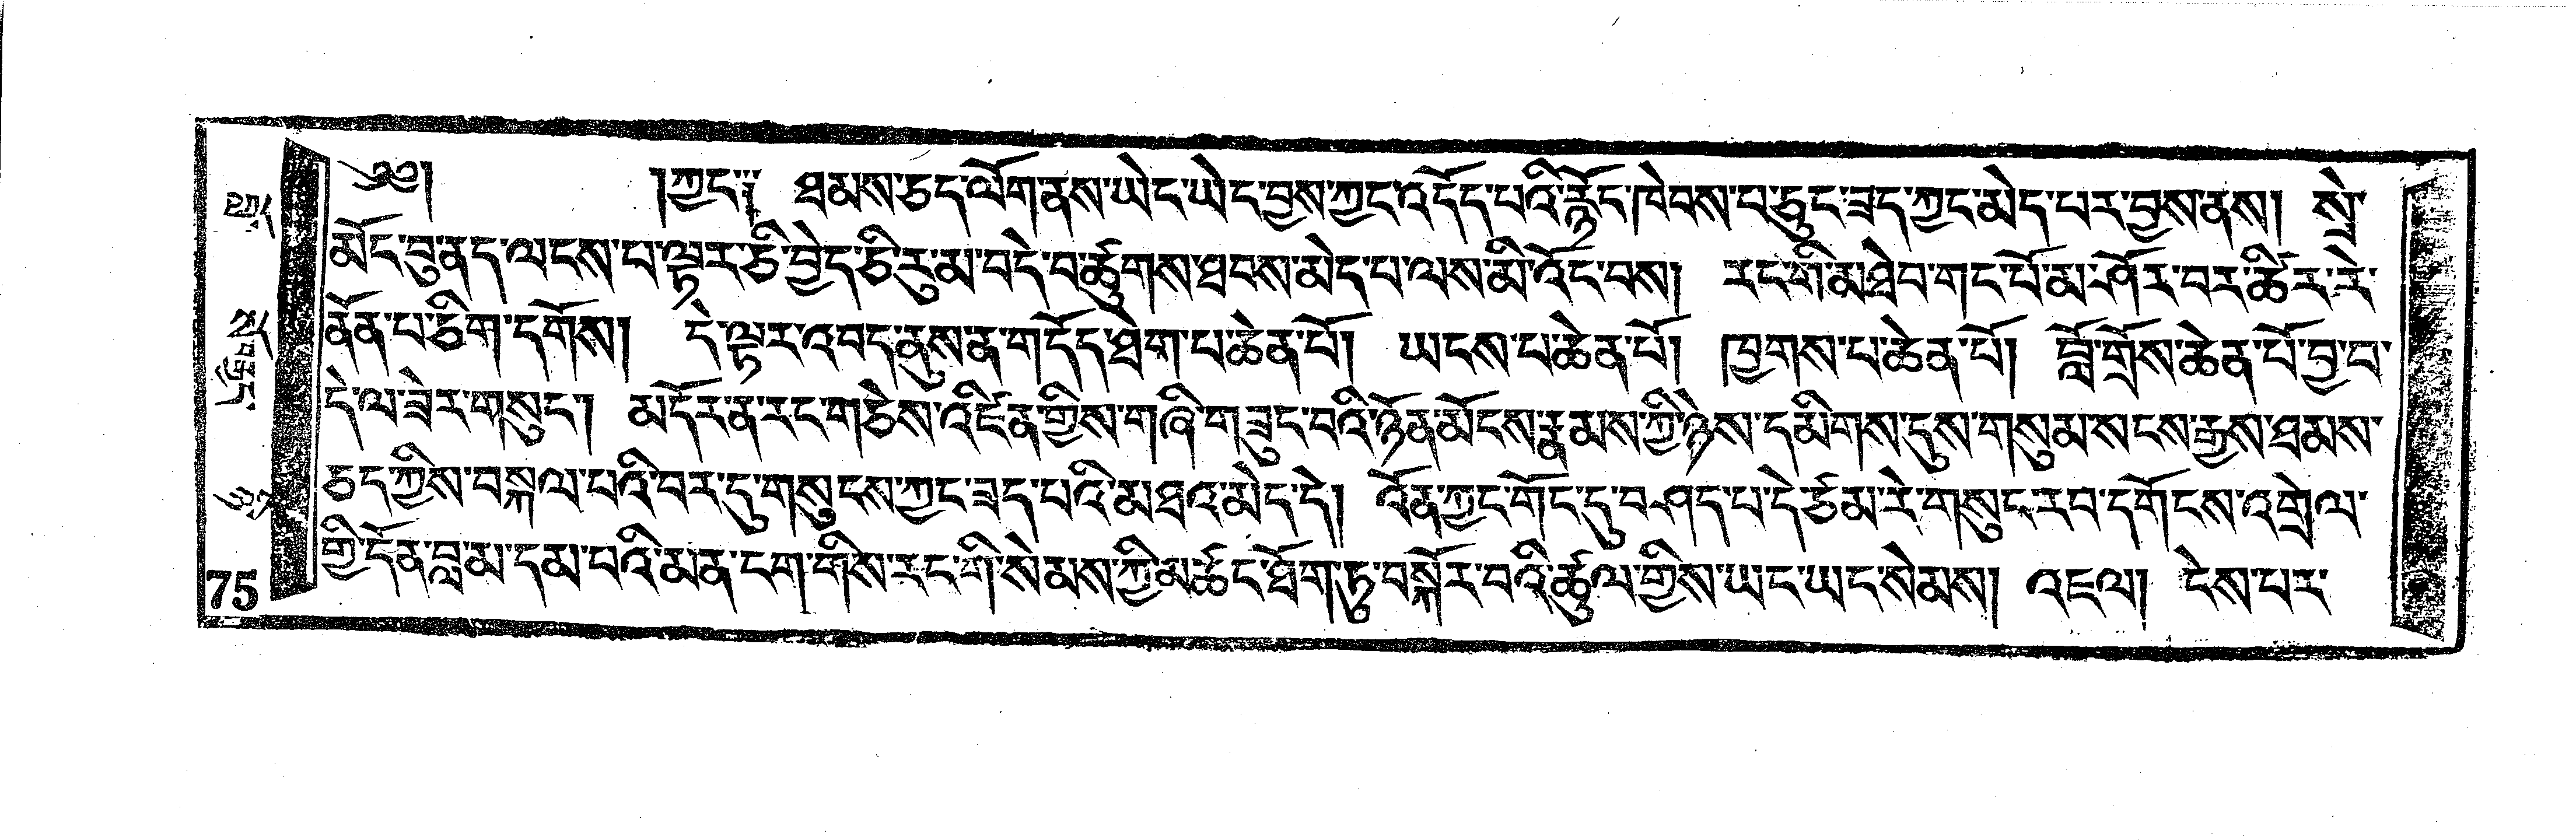༄༅། །ཀྱང༑ ཐམས་ཅད་ལོག་ནས་ཡེང་ཡེང་བྱས་ཀྱང་འདོད་པའི་རྙོང་ཁེབས་པ་ཅུང་ཟད་ཀྱང་མེད་པར་བྱས་ནས། སྲེ་
མོང་བུ་ནད་ལངས་པ་ལྟར་ཅི་བྱེད་ཅི་རུ་མ་བདེ་བ་ཚུགས་ཐབས་མེད་པ་ལས་མི་འོང་བས། རང་གི་མཐེབ་གང་པོ་མ་ཤོར་བར་ཚིར་རེ་
ནོན་པ་ཅིག་དགོས། དེ་ལྟར་འབད་ནུས་ན་གདོད་ཐེག་པ་ཆེན་པོ། ཡངས་པ་ཆེན་པོ། ཁྱགས་པ་ཆེན་པོ། བློ་གྲོས་ཆེན་པོ་བྱ་བ་
དེ་ལ་ཟེར་གསུང་། མདོར་ན་རང་གཅེས་འཛིན་གྱིས་གཞི་གཟུང་བའི་ཉོན་མོངས་རྣམས་ཀྱི་ཉེས་དམིགས་དུས་གསུམ་སངས་རྒྱས་ཐམས་
ཅད་ཀྱིས་བསྐལ་བའི་བར་དུ་གསུངས་ཀྱང་ཟད་པའི་མཐའ་མེད་དེ། འོན་ཀྱང་གོང་དུ་བཤད་པ་དེ་ཙམ་རེ་གསུང་རབ་དགོངས་འགྲེལ་
གྱི་དོན་བླ་མ་དམ་པའི་མན་ངག་གིས་རང་གི་སེམས་ཀྱི་མཚང་ཐོག་ཏུ་བསྐོར་བའི་ཚུལ་གྱིས་ཡང་ཡང་སེམས། འཇལ། ངེས་པར་